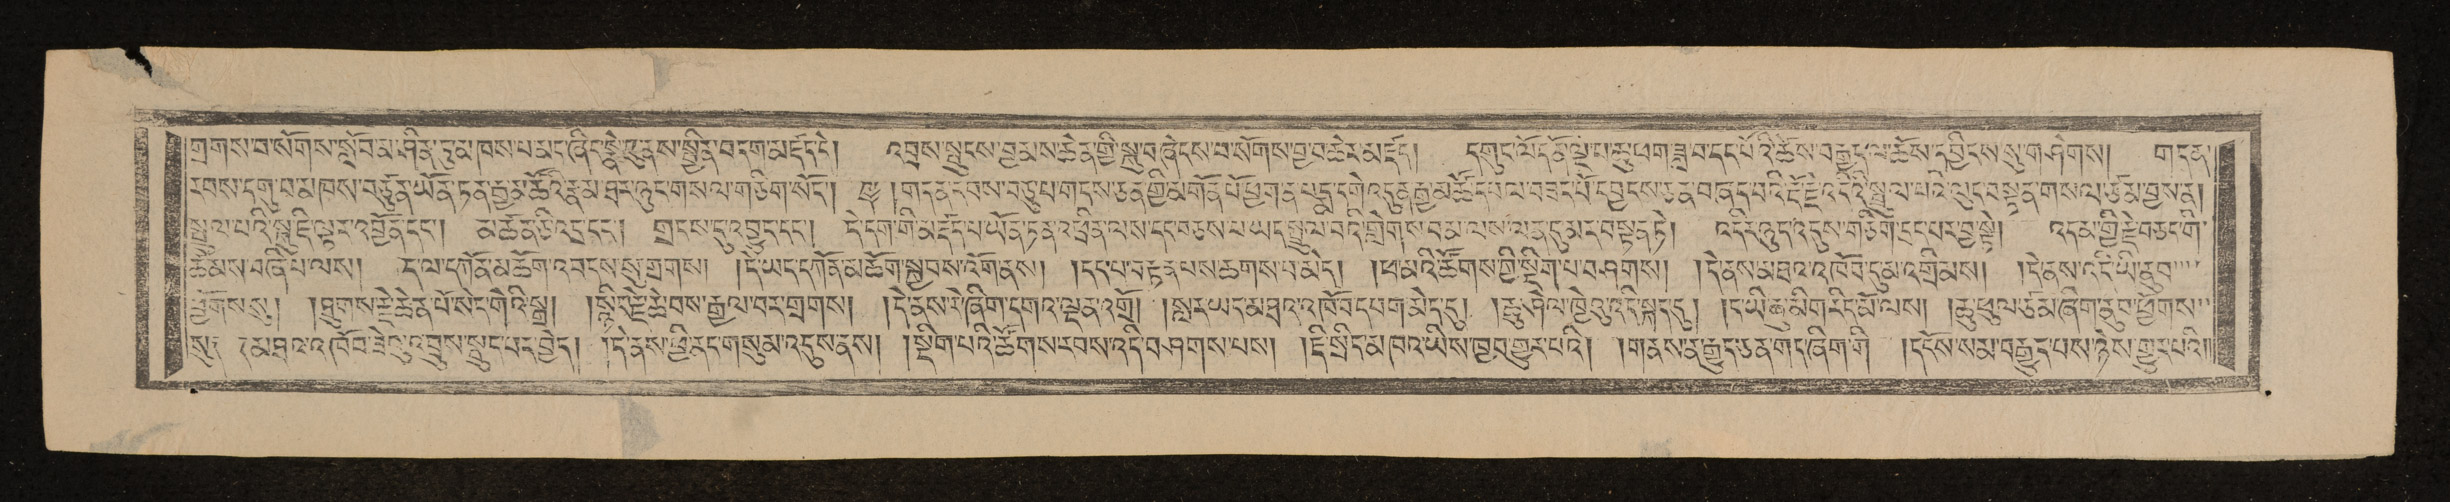གྲགས་པ་སོགས་སློབ་མ་ཤིན་ཏུ་མཁས་པ་མང་ཞིང་སྣེའུ་ནས་སྦྱིན་བདག་མཛད་དེ། འབྲས་སྤུངས་བྱམས་ཆེན་གྱི་སྐུ་བཞེངས་པ་སོགས་བྱ་བ་ཆེར་མཛད། དགུང་ལོ་དོན་ལྔ་པ་ཆུ་ཕག་ཟླ་བ་དང་པོའི་ཚེས་བརྒྱད་ལ་ཆོས་དབྱིངས་སུ་གཤེགས། གདན་
རབས་དགུ་པ་མཁས་བཙུན་ཡོན་ཏན་རྒྱ་མཚོའི་རྣམ་ཐར་ཉུང་གསལ་གཅིག་སོང་། ༈ །གདན་རབས་བཅུ་པ་གངས་ཅན་གྱི་མགོན་པོ་ཕྱག་ན་པདམ་དགེ་འདུན་རྒྱ་མཚོ་དཔལ་བཟང་པོ་དབྱངས་ཅན་བཞད་པའི་རྡོ་རྗེ་འདིའི་སྤྲུལ་པའི་ལུང་བསྟན་གསལ་ཙམ་བྱས་ན།
སྤྲུལ་པའི་སྐུ་ཇི་ལྟར་འབྱོན་དང་། མཚན་ཅི་འདྲ་དང་། གྲངས་དུ་འབྱུང་དང་། དེ་དག་གི་མཛད་པ་ཡོན་ཏན་འཕྲིན་ལས་དང་བཅས་པ་ཡང་སྤྲུལ་པའི་གླེགས་བམ་ལས་ལན་དུ་མར་བསྟན་ཏེ། འདིར་ཉུང་འདུས་གཅིག་དྲང་པར་བྱ་སྟེ། འདམ་གྱི་རྫེ་བཅང་གི་
ཚམས་བཞི་པ་ལས། ངལ་དཀོན་མཆོག་འབངས་སུ་གྲགས། །དེ་ཡང་དཀོན་མཆོག་སྐྱབས་འོག་ནས། །དད་པ་བརྟན་པས་ཆགས་པ་མེད། །ཕ་མའི་ཚོགས་ཀྱི་སྡིག་བ་བཤགས། །དེ་ནས་མཐའ་འཁོབ་དུ་མ་འགྲིམས། །དེ་ནས་འདི་ཡི་ནུབ་
ཕྱོགས་སུ། །ཐུགས་རྗེ་ཆེན་པོ་སེང་གེའི་སྒྲ། །སྙིང་རྗེ་ཆེ་བས་རྒྱལ་བར་གྲགས། །དེ་ནས་རེ་ཞིག་དགའ་ལྡན་འགྲོ། །སླར་ཡང་མཐའ་འཁོབ་དཔག་མེད་དུ། །ཆུ་ཤེལ་ཁྱེའུ་འདི་སྐད་དུ། །ང་ཡི་ཆུ་མིག་རིང་མོ་ལས། །ཆུ་ཕུལ་ཙམ་ཞིག་ནུབ་ཕྱོགས་
སུ༑ ༑མཐའ་འཁོབ་ཟེའུ་འབྲུས་སྤུད་པར་བྱེད། །དེ་ནས་ཕྱི་ནང་གསུམ་འདུས་ནས། །སྡིག་པའི་ཚོགས་རབས་འདི་བཤགས་པས། །ཇི་སྲིད་མཁའ་ཡིས་ཁྱབ་གྱུར་པའི། །གནས་ན་རྒྱུད་ཅན་གང་ཞིག་གི །དངོས་སམ་བརྒྱུད་པས་ཉེས་གྱུར་པའི་